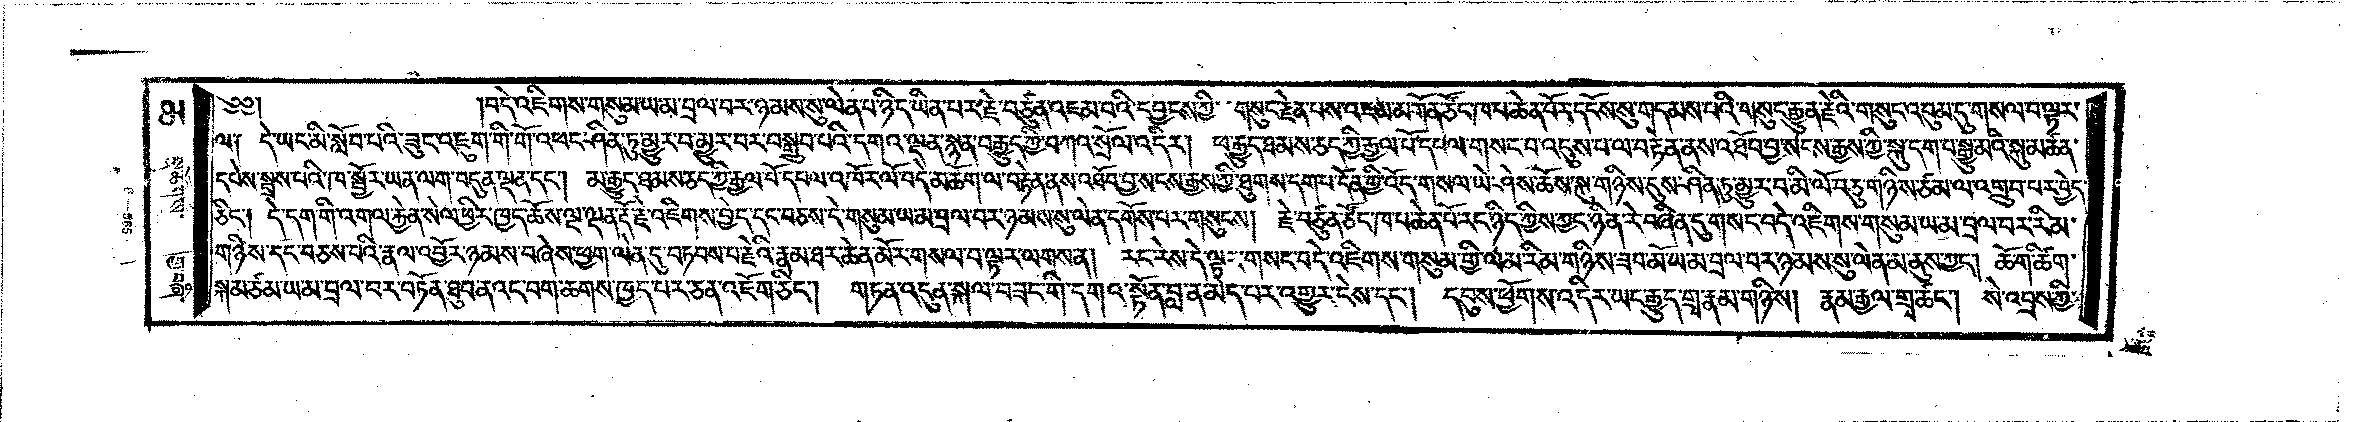༄༅། །བདེ་འཇིགས་གསུམ་ཡ་མ་བྲལ་བར་ཉམས་སུ་ལེན་པ་ཉིད་ཡིན་པར་རྗེ་བཙུན་འཇམ་པའི་དབྱངས་ཀྱི་གསུང་རྗེན་པས་འཇམ་མགོན་ཙོང་ཁ་པ་ཆེན་པོར་དངོས་སུ་གདམས་པའི་གསུང་རྒྱུན་རྗེའི་གསུང་འབུམ་དུ་གསལ་བ་ལྟར་
ལ༑ དེ་ཡང་མི་སློབ་པའི་ཟུང་འཇུག་གི་གོ་འཕང་ཤིན་ཏུ་མྱུར་བ་མྱུར་བར་བསྒྲུབ་པའི་དགའ་ལྡན་སྙན་བརྒྱུད་ཀྱི་བཀའ་སྲོལ་འདྲི། ཕ་རྒྱུད་ཐམས་ཅད་ཀྱི་རྒྱལ་པོ་དཔལ་གསང་བ་འདུས་པ་ལ་བརྟེན་ནས་འཐོབ་བྱ་སངས་རྒྱས་ཀྱི་སྐུ་དག་པ་སྒྱུ་མའི་སྐུ་མཚན་
དཔེས་སྦྲས་པའི་ཁ་སྦྱོར་ཡན་ལག་བདུན་ལྡན་དང་། མ་རྒྱུད་ཐམས་ཅད་ཀྱི་རྒྱལ་པོ་དཔལ་འཁོར་ལོ་བདེ་མཆོག་ལ་བརྟེན་ནས་འཐོབ་བྱ་སངས་རྒྱས་ཀྱི་ཐུགས་དག་པ་དོན་གྱི་འོད་གསལ་ཡེ་ཤེས་ཆོས་སྐུ་གཉིས་དུས་ཤིན་ཏུ་མྱུར་བ་མི་ལོ་བཅུ་གཉིས་ཙམ་ལ་འགྲུབ་པར་བྱེད་
ཅིང་། དེ་དག་གི་འགལ་རྐྱེན་སེལ་ཕྱིར་ཁྱད་ཆོས་ལྔ་ལྡན་རྡོ་རྗེ་འཇིགས་བྱེད་དང་བཅས་དེ་གསུམ་ཡ་མ་བྲལ་བར་ཉམས་སུ་ལེན་དགོས་པར་གསུངས། རྗེ་བཙུན་ཙོང་ཁ་པ་ཆེན་པོ་རང་ཉིད་ཀྱིས་ཀྱང་ཉིན་རེ་བཞིན་དུ་གསང་བདེ་འཇིགས་གསུམ་ཡ་མ་བྲལ་བར་རིམ་
གཉིས་དང་བཅས་པའི་རྣལ་འབྱོར་ཉམས་བཞེས་ཕྱག་ལེན་དུ་བཏབས་བ་རྗེའི་རྣམ་ཐར་ཆེན་མོར་གསལ་བ་ལྟར་ལགས་ན། རང་རེས་དེ་ལྟར་གསང་བདེ་འཇིགས་གསུམ་གྱི་ལམ་རིམ་གཉིས་ཟབ་མོ་ཡ་མ་བྲལ་བར་ཉམས་སུ་ལེན་མ་ནུས་ཀྱང་། ཆོ་ག་ཚིག་
སྐམ་ཙམ་ཡ་མ་བྲལ་བར་བཏོན་ཐུབ་ནའང་བག་ཆགས་ཁྱད་པར་ཅན་འཇོག་ཅིང་། གཏན་འདུན་སྐལ་བཟང་གི་དགའ་སྟོན་བླ་ན་མེད་པར་འགྱུར་ངེས་དང་། དབུས་ཕྱོགས་འདིར་ཡང་རྒྱུད་གྲྭ་རྣམ་གཉིས། རྣམ་རྒྱལ་གྲྭ་ཚང་། སེ་འབྲས་ཀྱི་